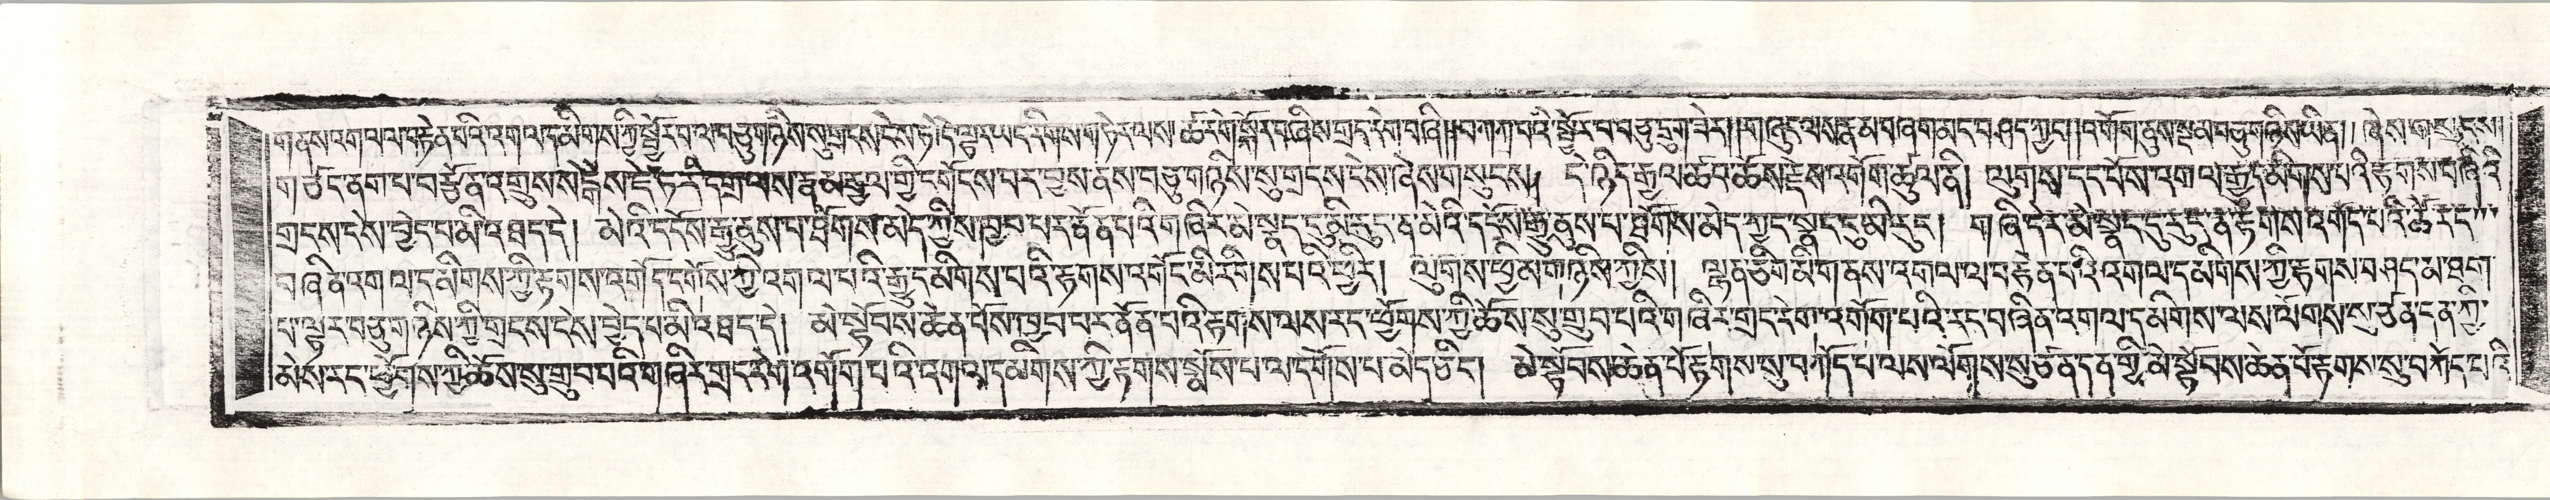གནས་འགལ་ལ་བརྟེན་པའི་འགལ་དམིགས་ཀྱི་སྦྱོར་བ་ལ་བཅུ་གཉིས་སུ་གྲངས་ངེས་ཏེ། དེ་ལྟར་ཡང་རིགས་གཏེར་ལས་ཚ་རོག་སྐོར་བཞིས་གྲང་རེག་བཞི། །བཀག་པའི་སྦྱོར་བ་བཅུ་དྲུག་ཟེར། །གཞུང་ལས་རྣམ་བཞག་མང་བཤད་ཀྱང་། །འགོག་ནུས་སྔ་མ་བཅུ་གཉིས་ཡིན། །ཞེས་གསུངས།
གཙང་ནག་པ་བརྩོན་འགྲུས་སེངྒེས་ཛེ་ཛེ་ཏ་རི་དགྲ་ལས་རྣམ་རྒྱལ་གྱི་དགོངས་པར་བྱས་ནས་བཅུ་གཉིས་སུ་གྲངས་ངེས་ཞེས་གསུངས། དེ་ཉིད་རྒྱལ་ཚབ་ཆོས་རྗེས་འགོག་ཚུལ་ནི། ལུགས་དང་པོས་འགལ་རྒྱུ་དམིགས་པའི་རྟགས་བཞིའི་
གྲངས་ངེས་བྱེད་པ་མི་འཐད་དེ། མེའི་དངོས་རྒྱུ་ནུས་པ་ཐོགས་མེད་ཀྱིས་ཁྱབ་པར་ནོན་པའི་གཞིར་མེ་སྣང་དུ་མི་རུང་ན་མེའི་དངོས་རྒྱུ་ནུས་པ་ཐོགས་མེད་ཀྱང་སྣང་དུ་མི་རུང་། གཞི་དེར་མེ་སྣང་དུ་རུང་ན་རྟགས་འགོད་པའི་ཚེ་རང་
བཞིན་འགལ་དམིགས་ཀྱི་རྟགས་འགོད་དགོས་ཀྱི་འགལ་བའི་རྒྱུ་དམིགས་པའི་རྟགས་འགོད་མི་རིགས་པའི་ཕྱིར། ལུགས་ཕྱི་མ་གཉིས་ཀྱིས། ལྷན་ཅིག་མི་གནས་འགལ་ལ་བརྟེན་པའི་འགལ་དམིགས་ཀྱི་རྟགས་བཤད་མ་ཐག་
པ་ལྟར་བཅུ་གཉིས་ཀྱི་གྲངས་ངེས་བྱེད་པ་མི་འཐད་དེ། མེ་སྟོབས་ཆེན་པོས་ཁྱབ་པར་ནོན་པའི་རྟགས་ལས་རང་ཕྱོགས་ཀྱི་ཆོས་སུ་གྲུབ་པའི་གཞིར་གྲང་རེག་འགོག་པའི་རང་བཞིན་འགལ་དམིགས་ལས་ལོགས་སུ་ཙན་དན་གྱི་
མེས་རང་ཕྱོགས་ཀྱི་ཆོས་སུ་གྲུབ་པའི་གཞིར་གྲང་རེག་འགོག་པའི་འགལ་དམིགས་ཀྱི་རྟགས་སྨོས་པ་ལ་དགོས་པ་མེད་ཅིང་། མེ་སྟོབས་ཆེན་པོ་རྟགས་སུ་བཀོད་པ་ལས་ལོགས་སུ་ཙན་དན་གྱི་མེ་སྟོབས་ཆེན་པོ་རྟགས་སུ་བཀོད་པའི་